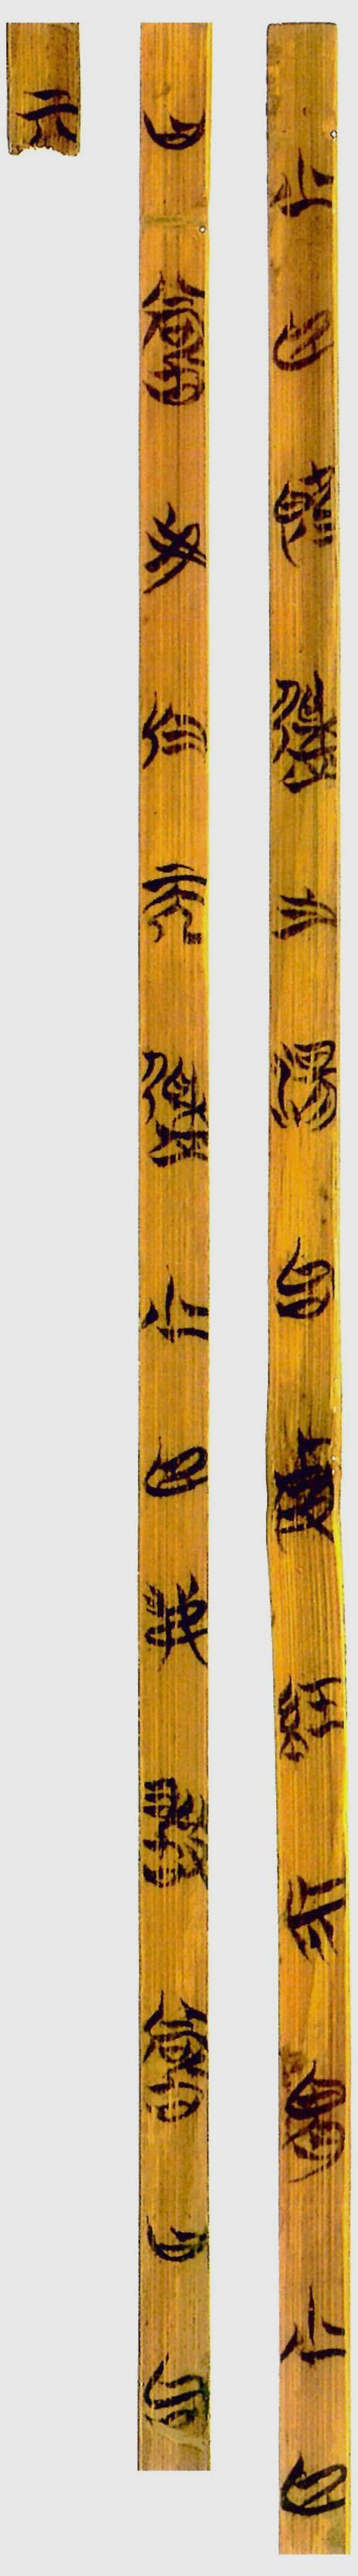少臣既{弓采皿}之湯句妻紝巟胃少臣曰嘗我於而{弓采皿}少臣弗敢嘗曰句亓
